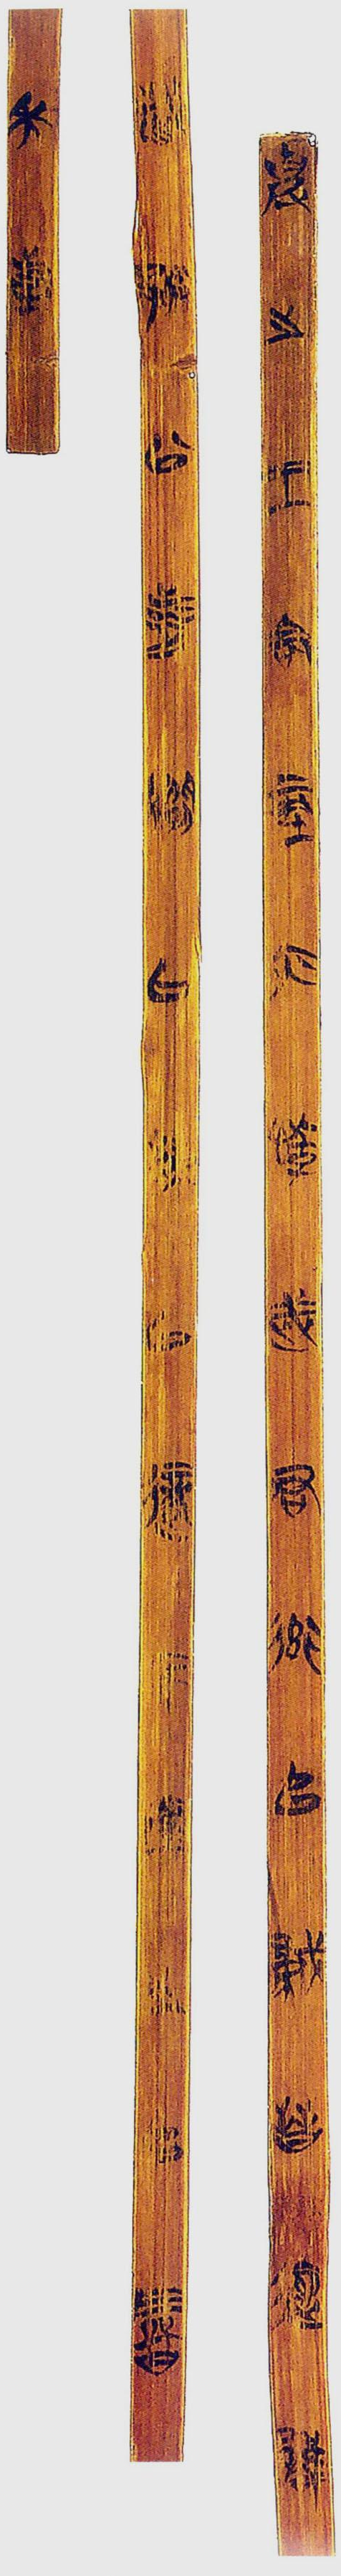尅之王命坪亦悼武君率𠂤{帚戈}晉逾{口幸阝}{止頁戈}{邑𠔉}公涉{水門夕刀}㠯（以）{𡴎帚}㠯（以）復長陵之𠂤{石孖日}年倝
